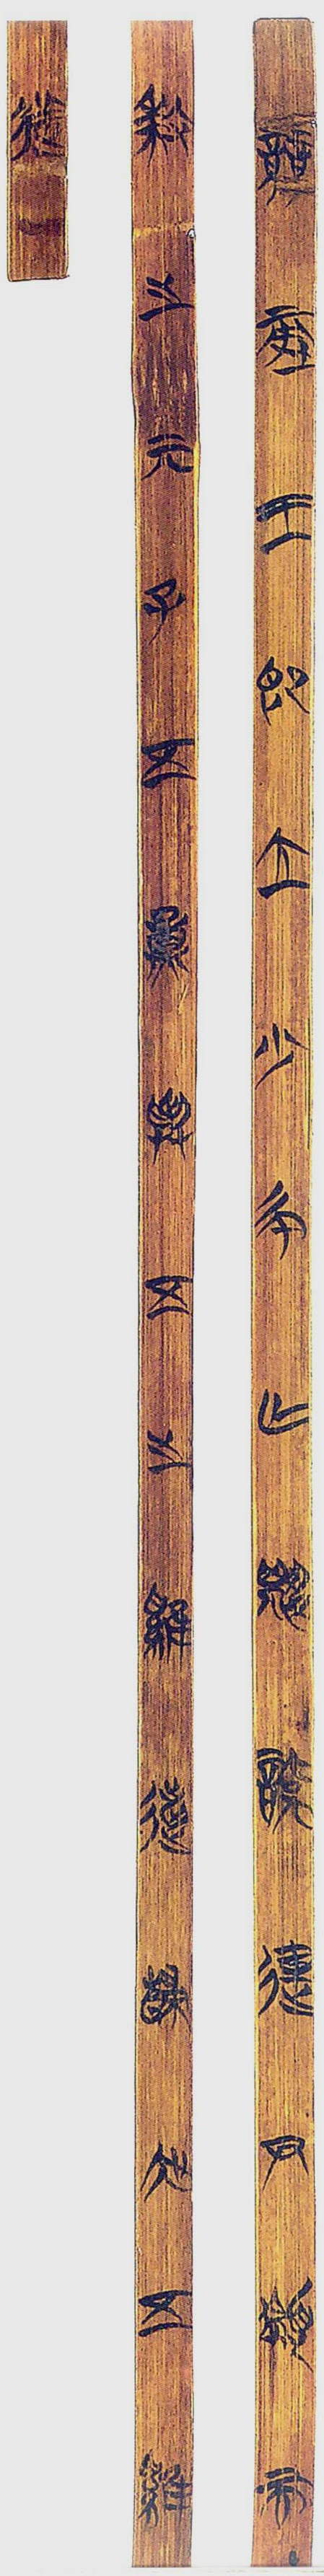競坪王即立少帀亡{其丮}{言䖵口}連尹{者頁}而殺之亓子五員與五之雞逃{𡴎帚}吳五雞{辶羊}
